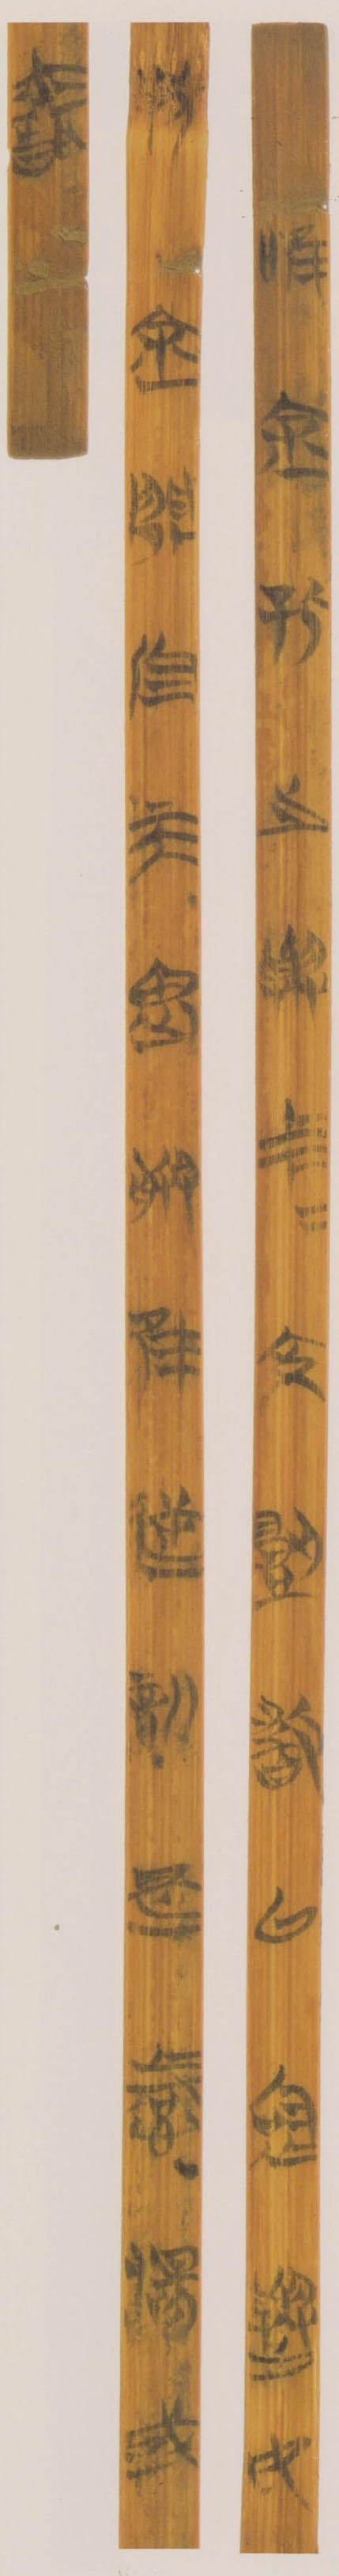唯余孤之與上下=交剴敢㠯（以）衾𪴿女幸余{門外}於天畏朕隹逆訓是𢝬湯或{尒䎽}
